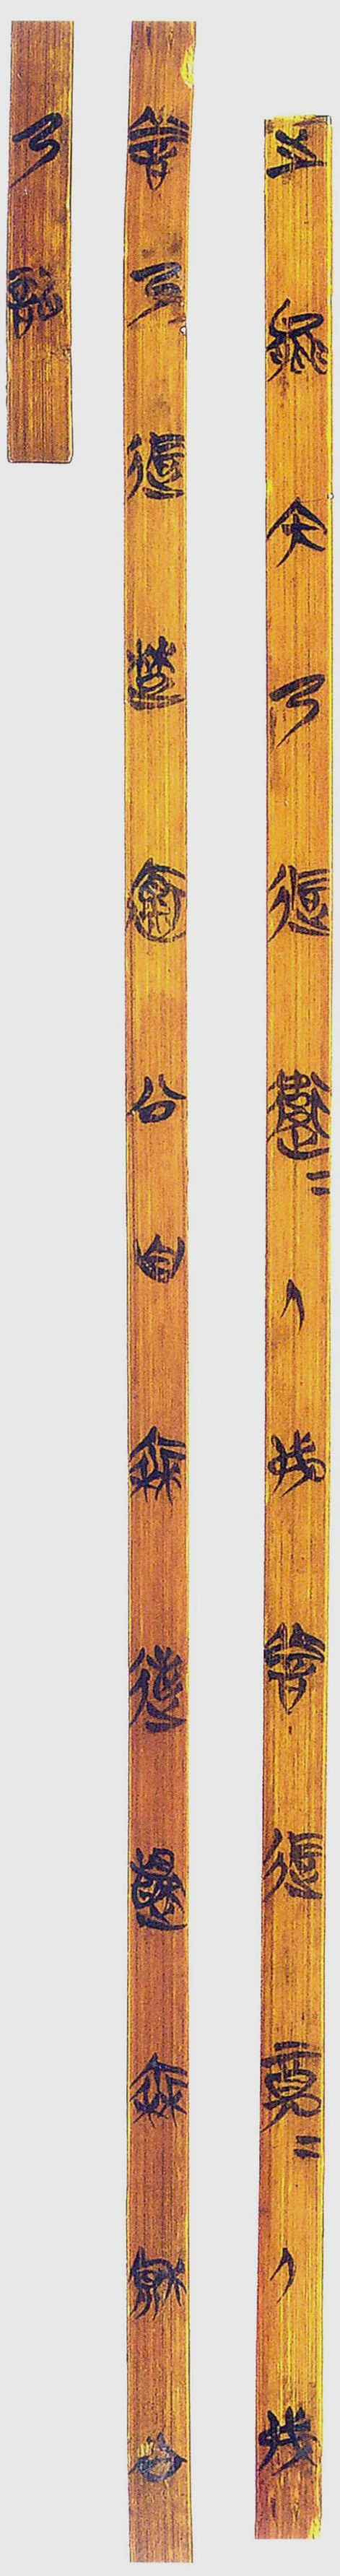之能內乃{辶石}衛止=人弗善{辶石}奠=人弗善乃{辶石}楚褱公自秦逃歸秦穆公乃訋
